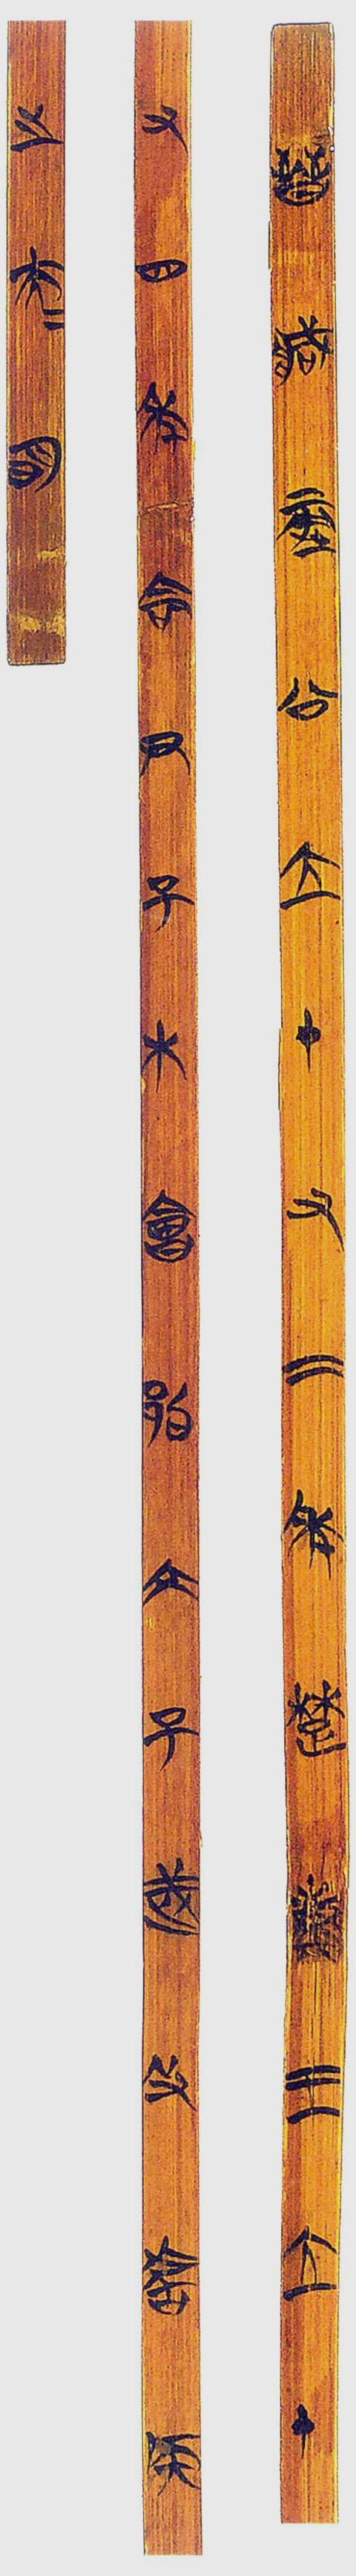晉戕坪公立十又二年楚康王立十又四年命（令）尹子木會{勺阝}文子武及者侯之夫=明
